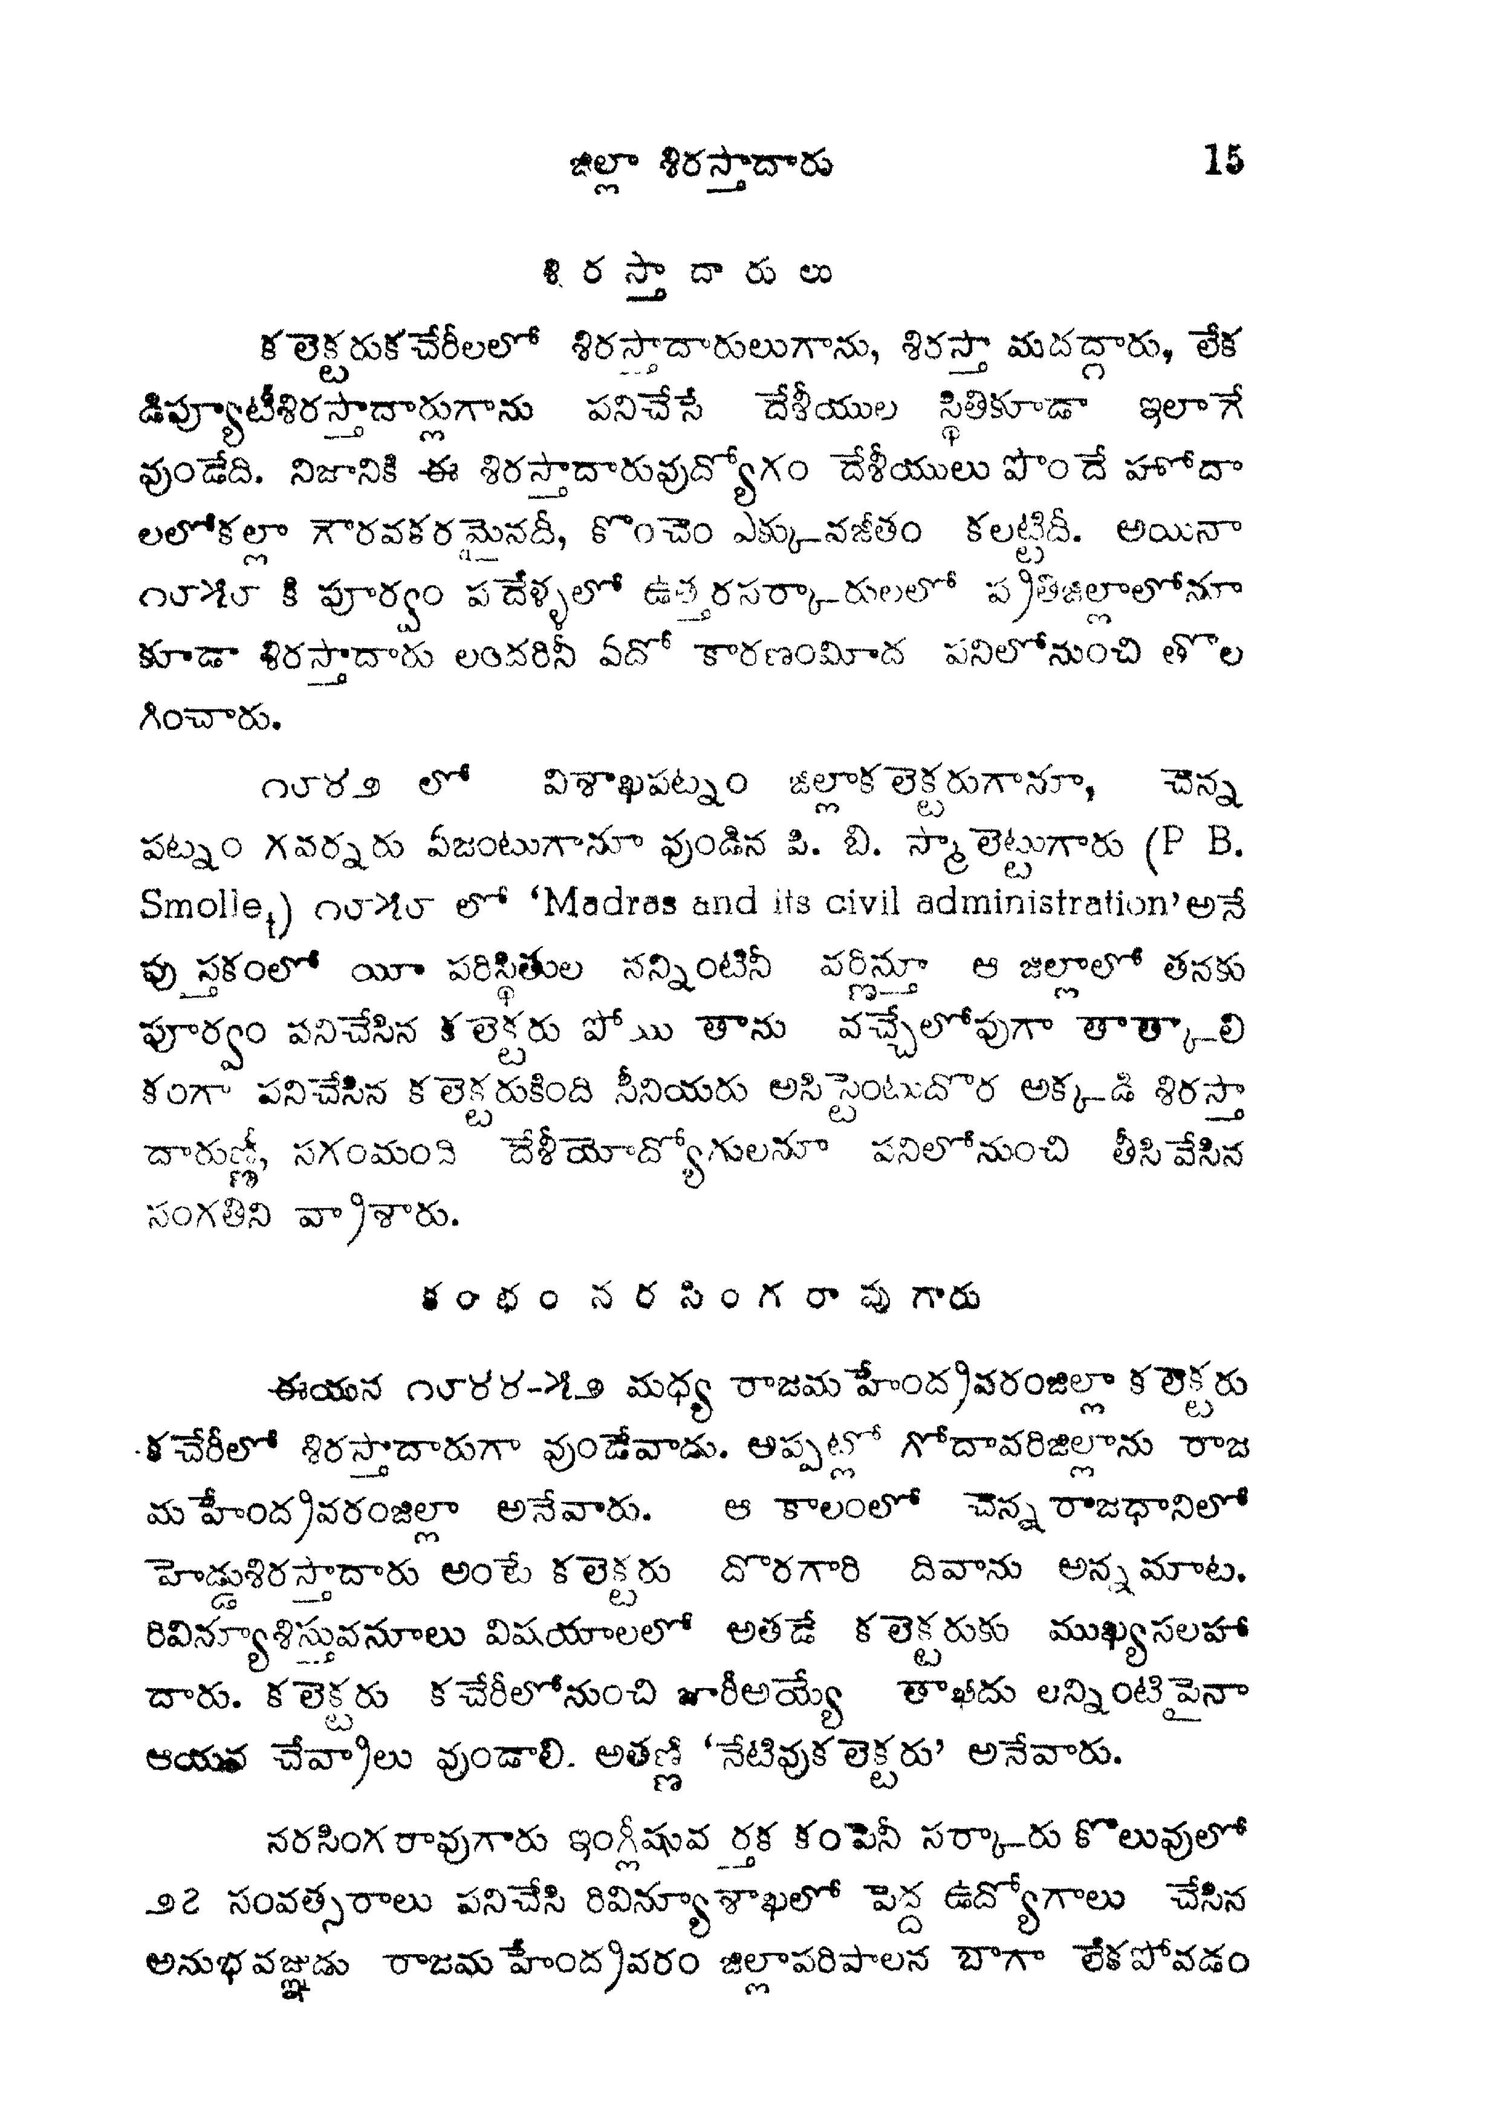కలెక్టరు కచేరీలలో శిరస్తాదారులుగాను, శిరస్తా మదద్గారు, లేక డిప్యూటీశిరస్తాదార్లుగాను పనిచేసే దేశీయుల స్థితికూడా ఇలాగే వుండేది. నిజానికి ఈ శిరస్తాదారువుద్యోగం దేశీయులుపొందే హోదాలలోకెల్లా గౌరవకరమైనదీ, కొంచెం ఎక్కువజీతం కలట్టిదీ. అయినా 1845 కి పూర్వం పదేళ్ళలో ఉత్తరసర్కారులలో ప్రతిజిల్లాలోనూ కూడా శిరస్తాదారు లందరినీ ఏదో కారణముమీద పనిలోనుంచి తొలగించారు.

1842 లో విశాఖపట్నం జిల్లాకలెక్టరుగానూ, చెన్నపట్నం గవర్నరు ఏజంటుగానూ వుండిన పి.బి.స్మాలట్టుగారు (P.B.Smollet ) 1858 లో 'Madras and its civil administration' అనే పుస్తకంలో యీపరిస్థితుల నన్నింటినీ వర్ణిస్తూ ఆ జిల్లాలో తనకు పూర్వం పనిచేసిన కలక్టరు పోయి తాను వచ్చే లోపుగా తాత్కాలికంగా పనిచేసిన కలెక్టరుకింది సీనియరు అసిస్టెంటుదొర అక్కడి శిరస్తాదారుణ్ణీ, సగంమంది దేశీయోద్యోగులనూ పనిలోనుంచి తీసివేసిన సంగతిని వ్రాశారు.

ఈయన 1544-52 మధ్య రాజమహేంద్రవరంజిల్లా కలెక్టరు కచేరీలో శిరస్తాదారుగా వుండేవాడు. అప్పట్లో గోదావరిజిల్లాను రాజమహేంద్రవరంజిల్లా అనేవారు. ఆ కాలంలో చెన్నరాజధానిలో హెడ్డుశిరస్తాదారు అంటే కలెక్టరు దొరగారి దివాను అన్నమాట. రివిన్యూసిస్తువసూలు విషయాలలో అతడే కలెక్టరుకు ముఖ్య సలహాదారు. కలెక్టరు కచేరీలోనుంచి జారీఅయ్యే తాఖీదు లన్నింటిపైనా ఆయన చేవ్రాలు వుండాలి అతణ్ణి 'నేటివుకలెక్టరు ' అనేవారు.

నరసింగరావుగారు ఇంగ్లీషువర్తకకంపెనీ సర్కారు కొలువులో 27 సంవత్సరాలు పనిచేసి రెవిన్యూశాఖలో పెద్ద ఉద్యోగాలు చేసిన అనుభవజ్ఞుడు రాజమహేంద్రవరం జిల్లాపరిపాలన బాగా లేకపోవడం